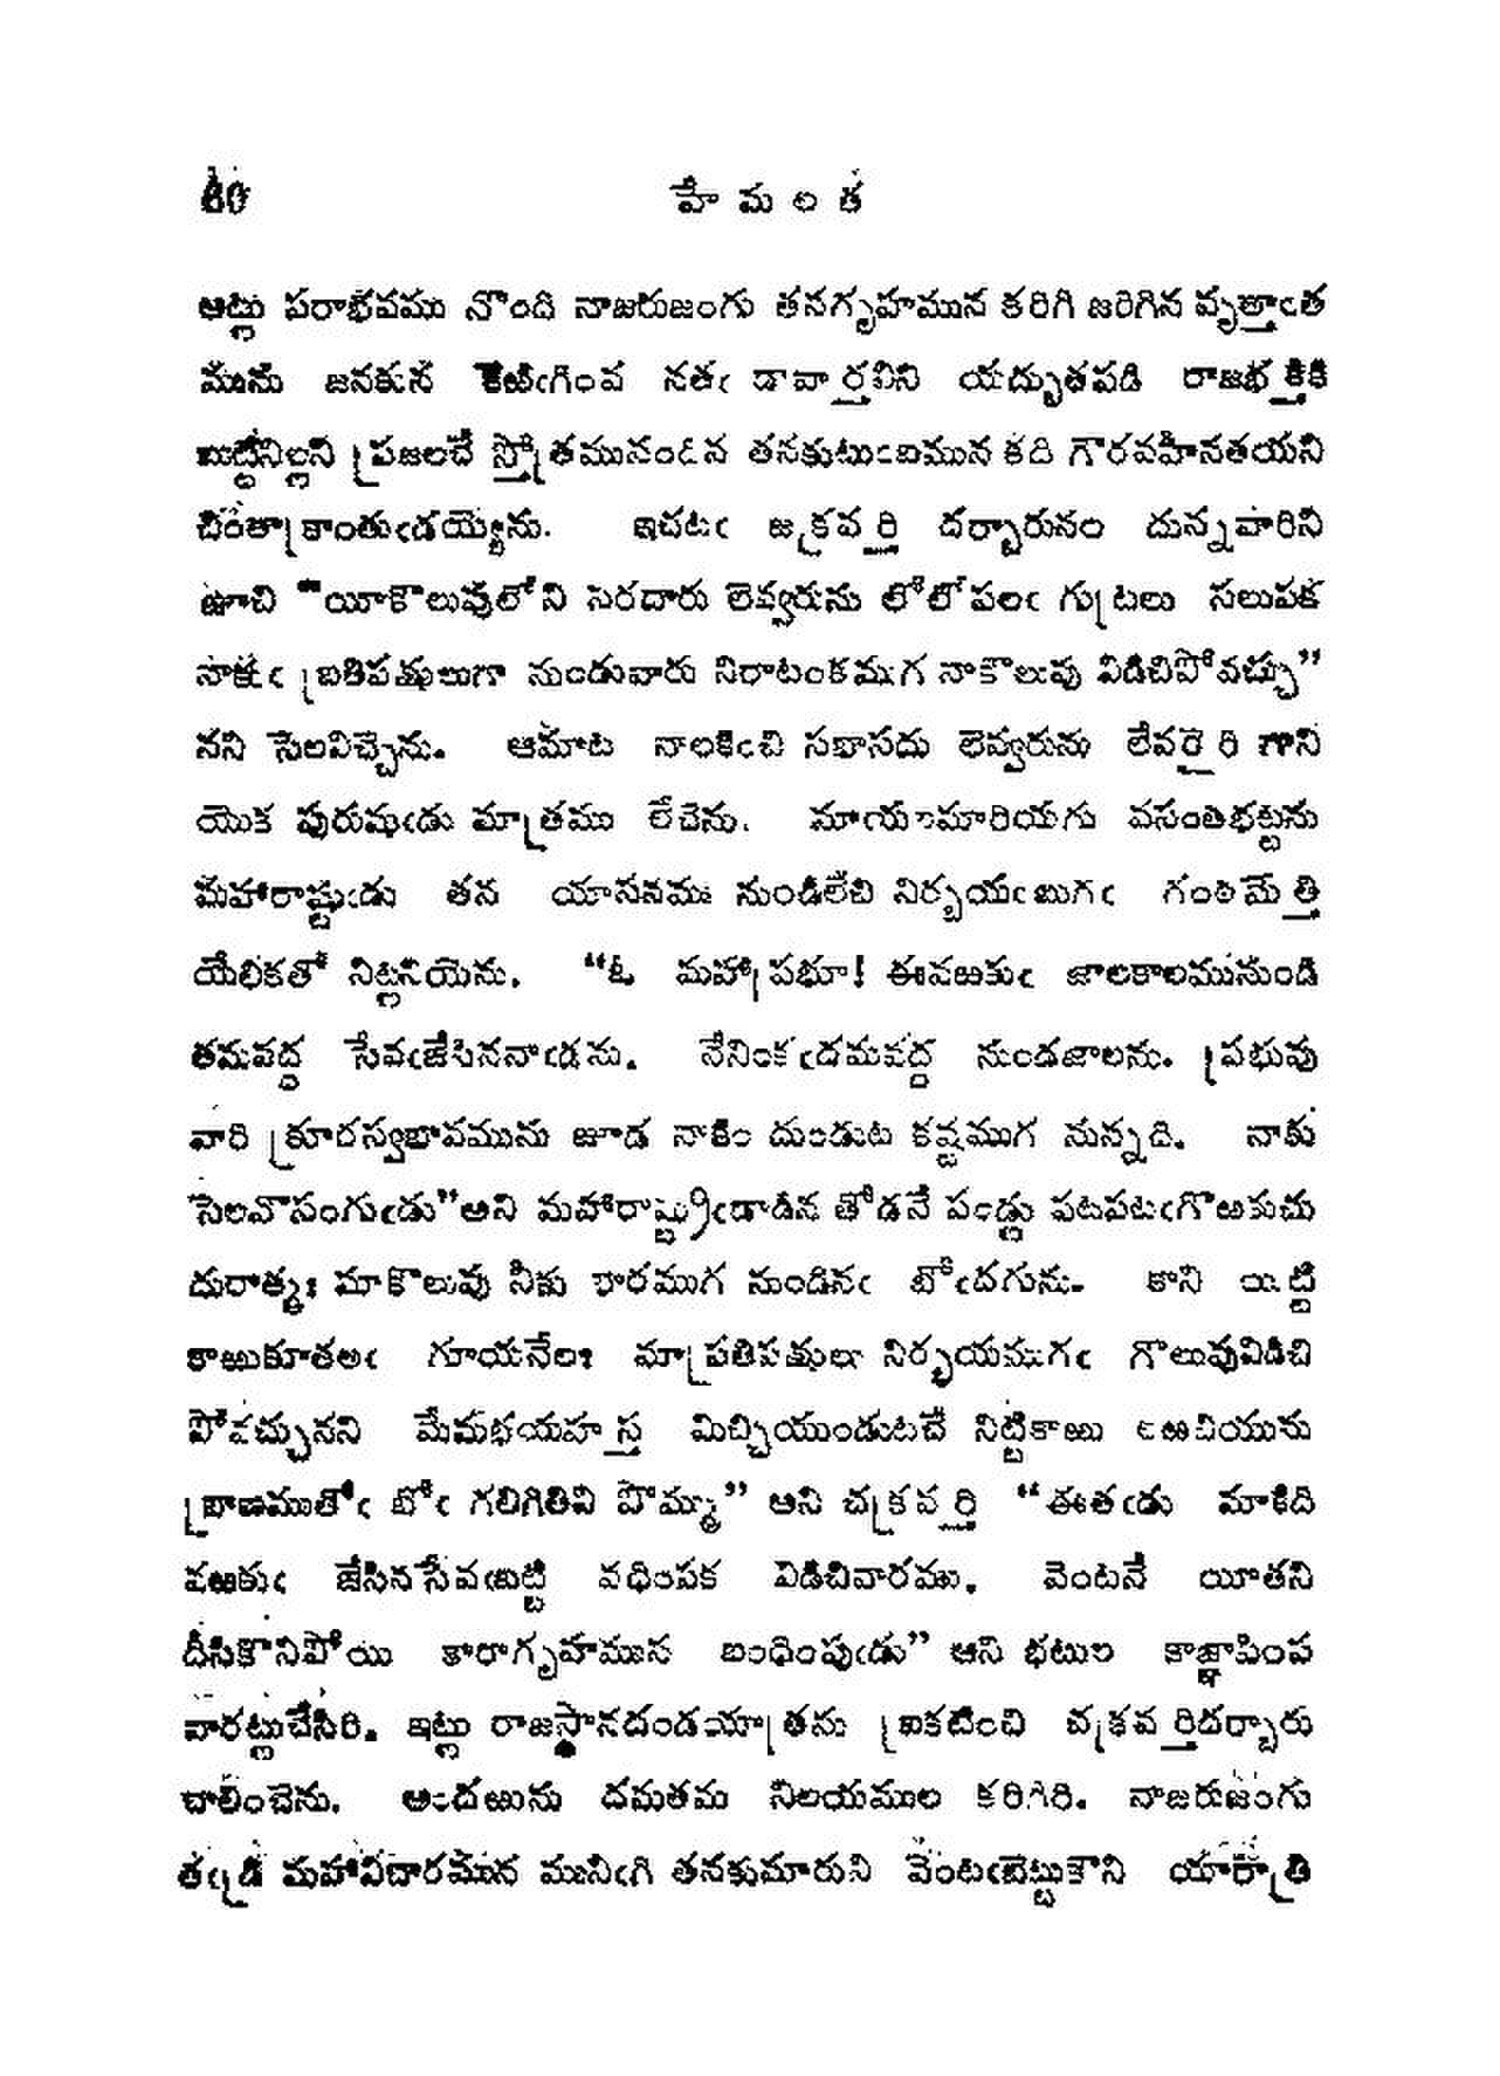అట్లు పరాభవము నొంది నాజరుజంగు తనగృహమున కరిగి జరిగినవృత్తాంతమును జనకున కెఱిఁగింప నత డావార్తవిని యద్భుతపడి రాజభక్తికి బుట్టినిల్లని ప్రజలచే స్తోత్రమునందిన తనకుటుంబమున కది గౌరవహీనతయని చింతాక్రాంతుడయ్యెను. ఇచటఁ జక్రవర్తి దర్బారునం దున్నవారిని జూచి “యీకొలువు లోని సరదారు లెవ్వరును లోలోపల గుట్రలు సలుపక నాకుఁ బ్రతిపక్షులుగా నుండువారు నిరాటంకముగ నా కొలువు విడిచిపోవచ్చు” నని సెలవిచ్చెను. ఆమాట నాలకించి సభాసదు లెవ్వరును లేవరైరి గాని యొక పురుషుఁడు మాత్రము లేచెను. మాయలమారియగు వసంతభట్టను మహారాష్ట్రుడు తన యాసనము నుండి లేచి నిర్భయంబుగ గళమెత్తి యేలికతో నిట్లనియెను. “ఓ మహాప్రభూ! ఈవఱకుఁ జాలకాలమునుండి తమ వద్ద సేవజేసినవాడను. నేనింకఁ దమవద్ద నుండజాలను. ప్రభువు వారి క్రూరస్వభావమును జూడ నాకిం దుండుట కష్టముగ నున్నది. నాకు సెలవు నొసంగుడు” అని మహారాష్ట్రుఁడాడిన తోడనే పండ్లు పటపటఁ గొఱకుచు దురాత్మ! మాకొలువు నీకు భారముగ నుండినఁ బోఁదగును. కాని యిట్టి కారుకూతలఁ గూయనేల? మాప్రతిపక్షులు నిర్భయముగ గొలువువిడిచి పోవచ్చునని మేమభయ హస్త మిచ్చియుండుటచే నిట్టికాఱు లఱచియును బ్రాణముతోఁ బోఁ గలిగితివి పొమ్ము” అని చక్రవర్తి “ఈతఁడు మాకిదివఱకు జేసినసేవఁబట్టి వధింపక విడిచినారము. వెంటనే యీతని దీసికొనిపోయి కారాగృహమున బంధింపుడు” అని భటుల కాజ్ఞాపింప వారట్లుజేసిరి. ఇట్లు రాజస్థాన దండయాత్రను బ్రకటించి చక్రవర్తి దర్బారు చాలించెను. అందఱును దమతమ నిలయముల కరిగిరి. నాజరుజంగు తండ్రి మహావిచారమున మునిఁగి తన కుమారుని వెంటబెట్టుకొని యారాత్రి